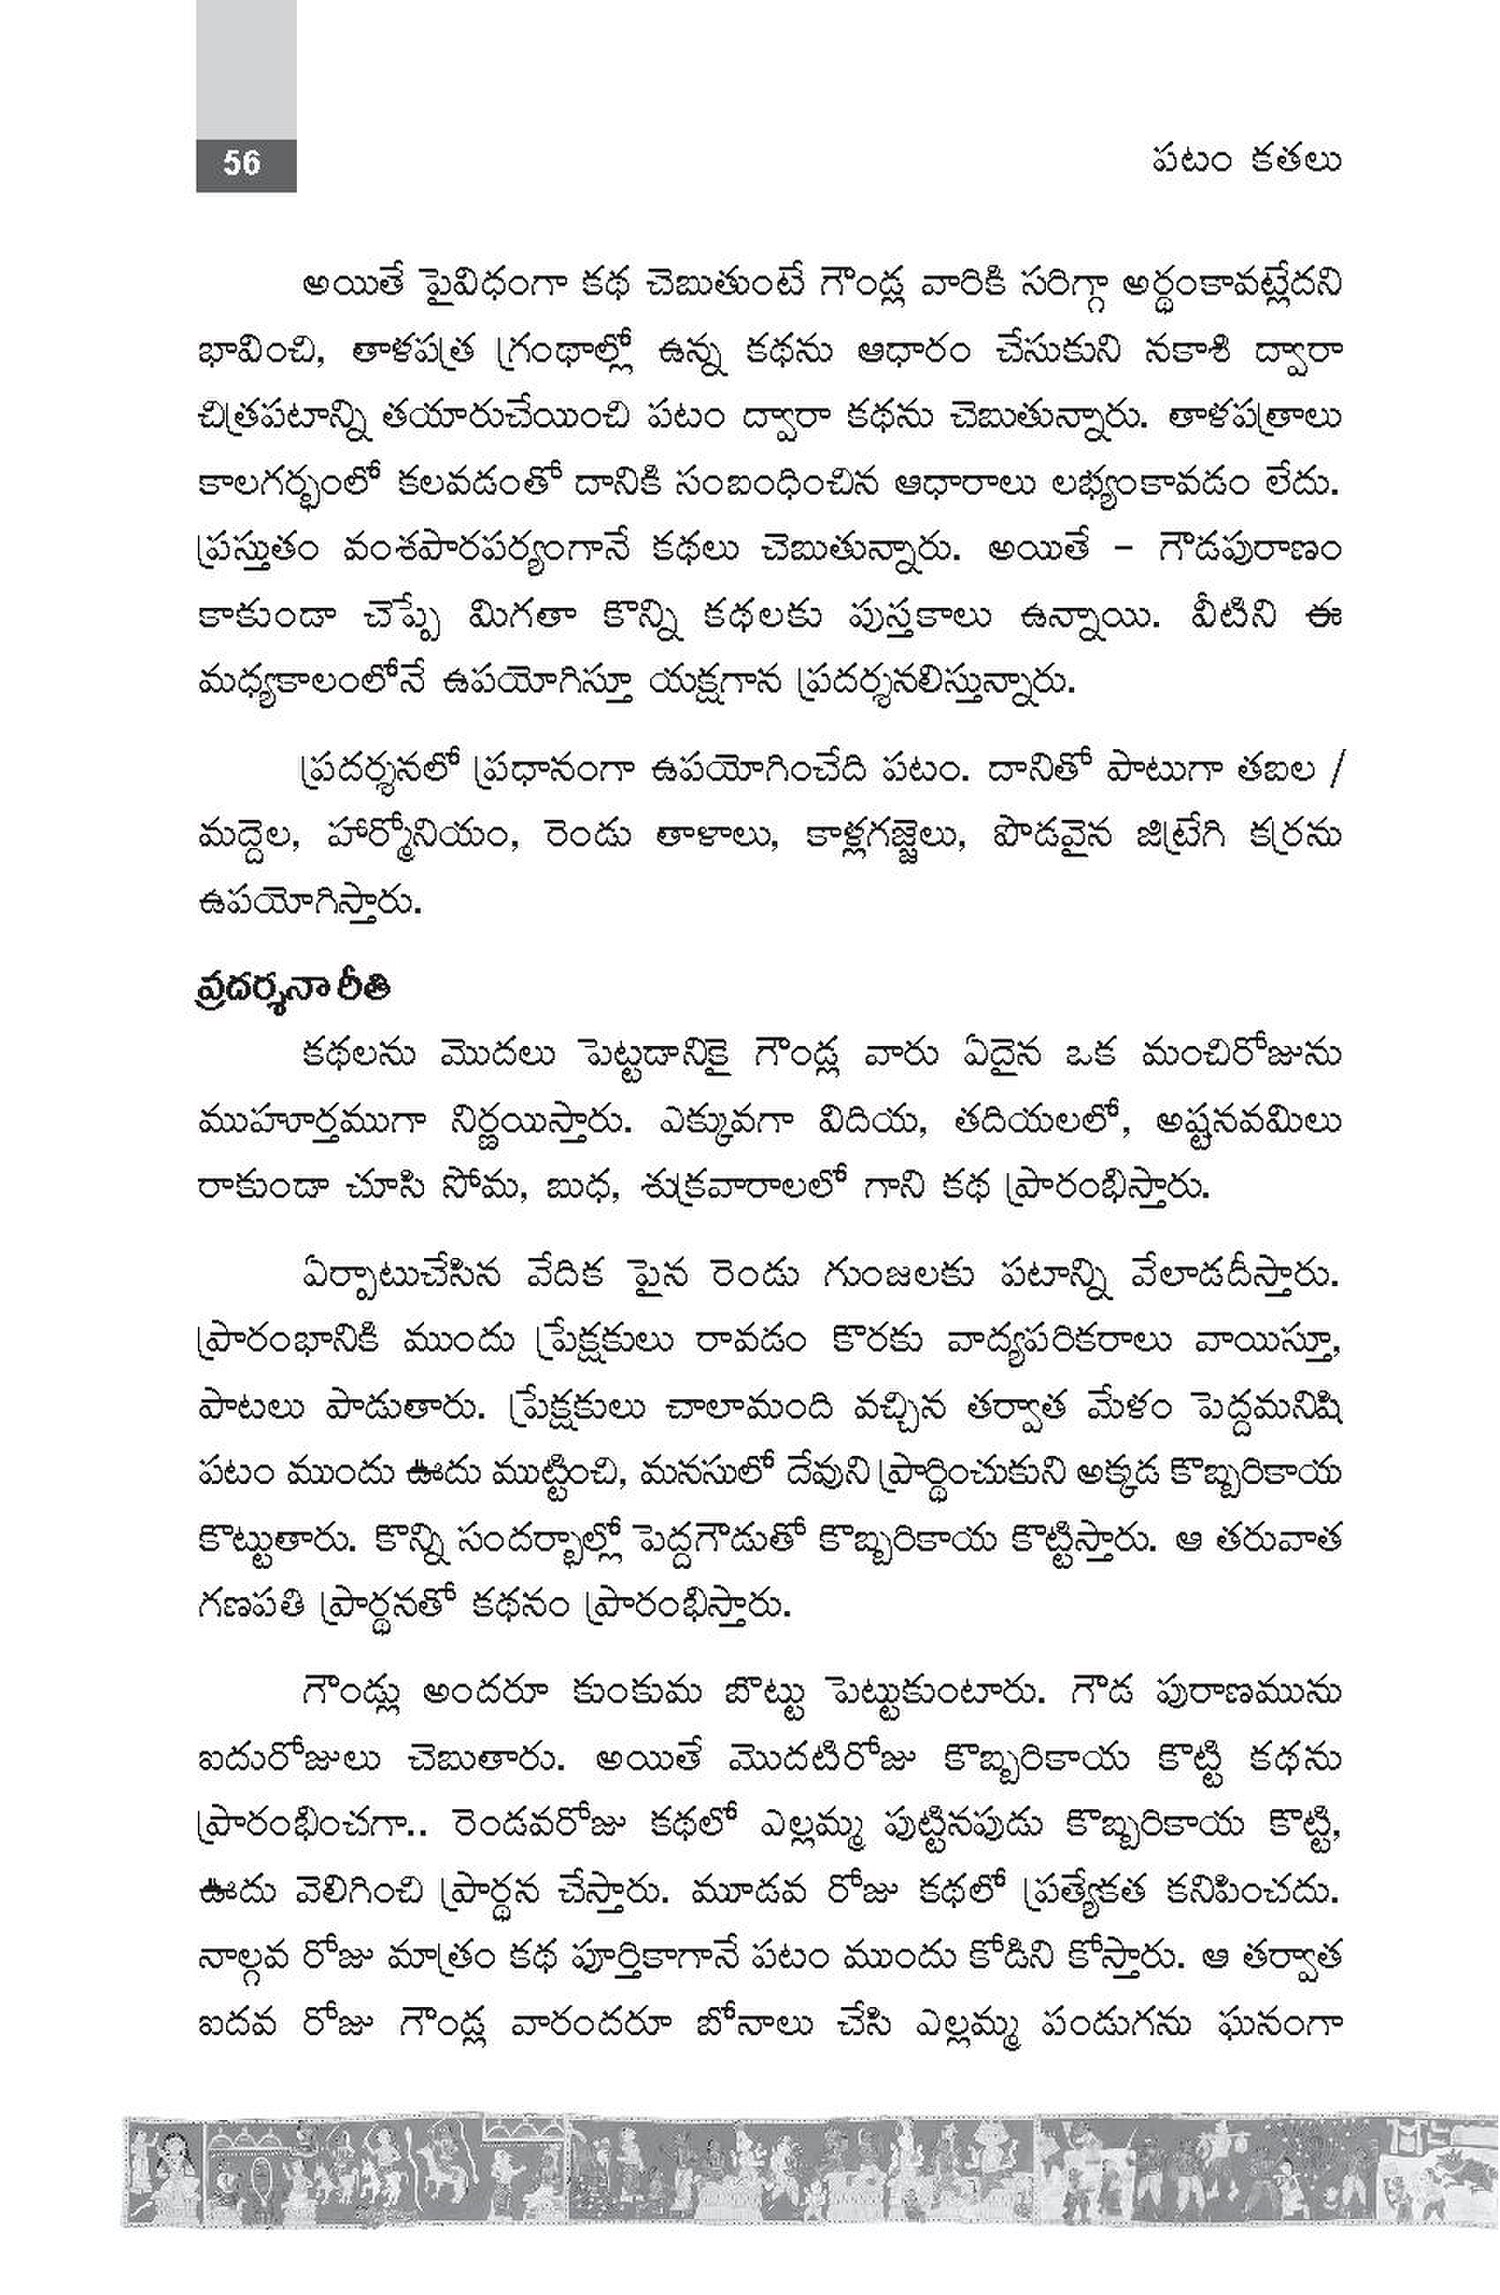అయితే పైవిధంగా కథ చెబుతుంటే గౌండ్ల వారికి సరిగ్గా అర్థంకావట్లేదని భావించి, తాళపత్ర గ్రంథాల్లో ఉన్న కథను ఆధారం చేసుకుని నకాశి ద్వారా చిత్రపటాన్ని తయారుచేయించి పటం ద్వారా కథను చెబుతున్నారు. తాళపత్రాలు
కాలగర్భంలో కలవడంతో దానికి సంబంధించిన ఆధారాలు లభ్యంకావడం లేదు. ప్రస్తుతం వంశపారపర్యంగానే కథలు చెబుతున్నారు. అయితే - గౌడపురాణం కాకుండా చెప్పే మిగతా కొన్ని కథలకు పుస్తకాలు ఉన్నాయి. వీటిని ఈ
మధ్యకాలంలోనే ఉపయోగిస్తూ యక్షగాన ప్రదర్శనలిస్తున్నారు.

ప్రదర్శనలో ప్రధానంగా ఉపయోగించేది పటం. దానితో పాటుగా తబల /మద్దెల, హార్మోనియం, రెండు తాళాలు, కాళ్ల గజ్జెలు, పొడవైన జిట్రేగి కర్రను ఉపయోగిస్తారు.

ప్రదర్శనా రీతి 

కథలను మొదలు పెట్టడానికై గౌండ్ల వారు ఏదైన ఒక మంచిరోజును ముహూర్తముగా నిర్ణయిస్తారు. ఎక్కువగా విదియ, తదియలలో, అష్టనవమిలు రాకుండా చూసి సోమ, బుధ, శుక్రవారాలలో గాని కథ ప్రారంభిస్తారు.

ఏర్పాటుచేసిన వేదిక పైన రెండు గుంజలకు పటాన్ని వేలాడదీస్తారు. ప్రారంభానికి ముందు ప్రేక్షకులు రావడం కొరకు వాద్యపరికరాలు వాయిస్తూ, పాటలు పాడుతారు. ప్రేక్షకులు చాలామంది వచ్చిన తర్వాత మేళం పెద్దమనిషి పటం ముందు ఊదు ముట్టించి, మనసులో దేవుని ప్రార్థించుకుని అక్కడ కొబ్బరికాయ కొట్టుతారు. కొన్ని సందర్భాల్లో పెద్దగాడుతో కొబ్బరికాయ కొట్టిస్తారు. ఆ తరువాత గణపతి ప్రార్ధనతో కథనం ప్రారంభిస్తారు.

గౌండ్లు అందరూ కుంకుమ బొట్టు పెట్టుకుంటారు. గౌడ పురాణమును ఐదురోజులు చెబుతారు. అయితే మొదటిరోజు కొబ్బరికాయ కొట్టి కథను ప్రారంభించగా.. రెండవరోజు కథలో ఎల్లమ్మ పుట్టినపుడు కొబ్బరికాయ కొట్టి, ఊదు వెలిగించి ప్రార్థన చేస్తారు. మూడవ రోజు కథలో ప్రత్యేకత కనిపించదు. నాల్గవ రోజు మాత్రం కథ పూర్తికాగానే పటం ముందు కోడిని కోస్తారు. ఆ తర్వాత ఐదవ రోజు గౌండ్ల వారందరూ బోనాలు చేసి ఎల్లమ్మ పండుగను ఘనంగా